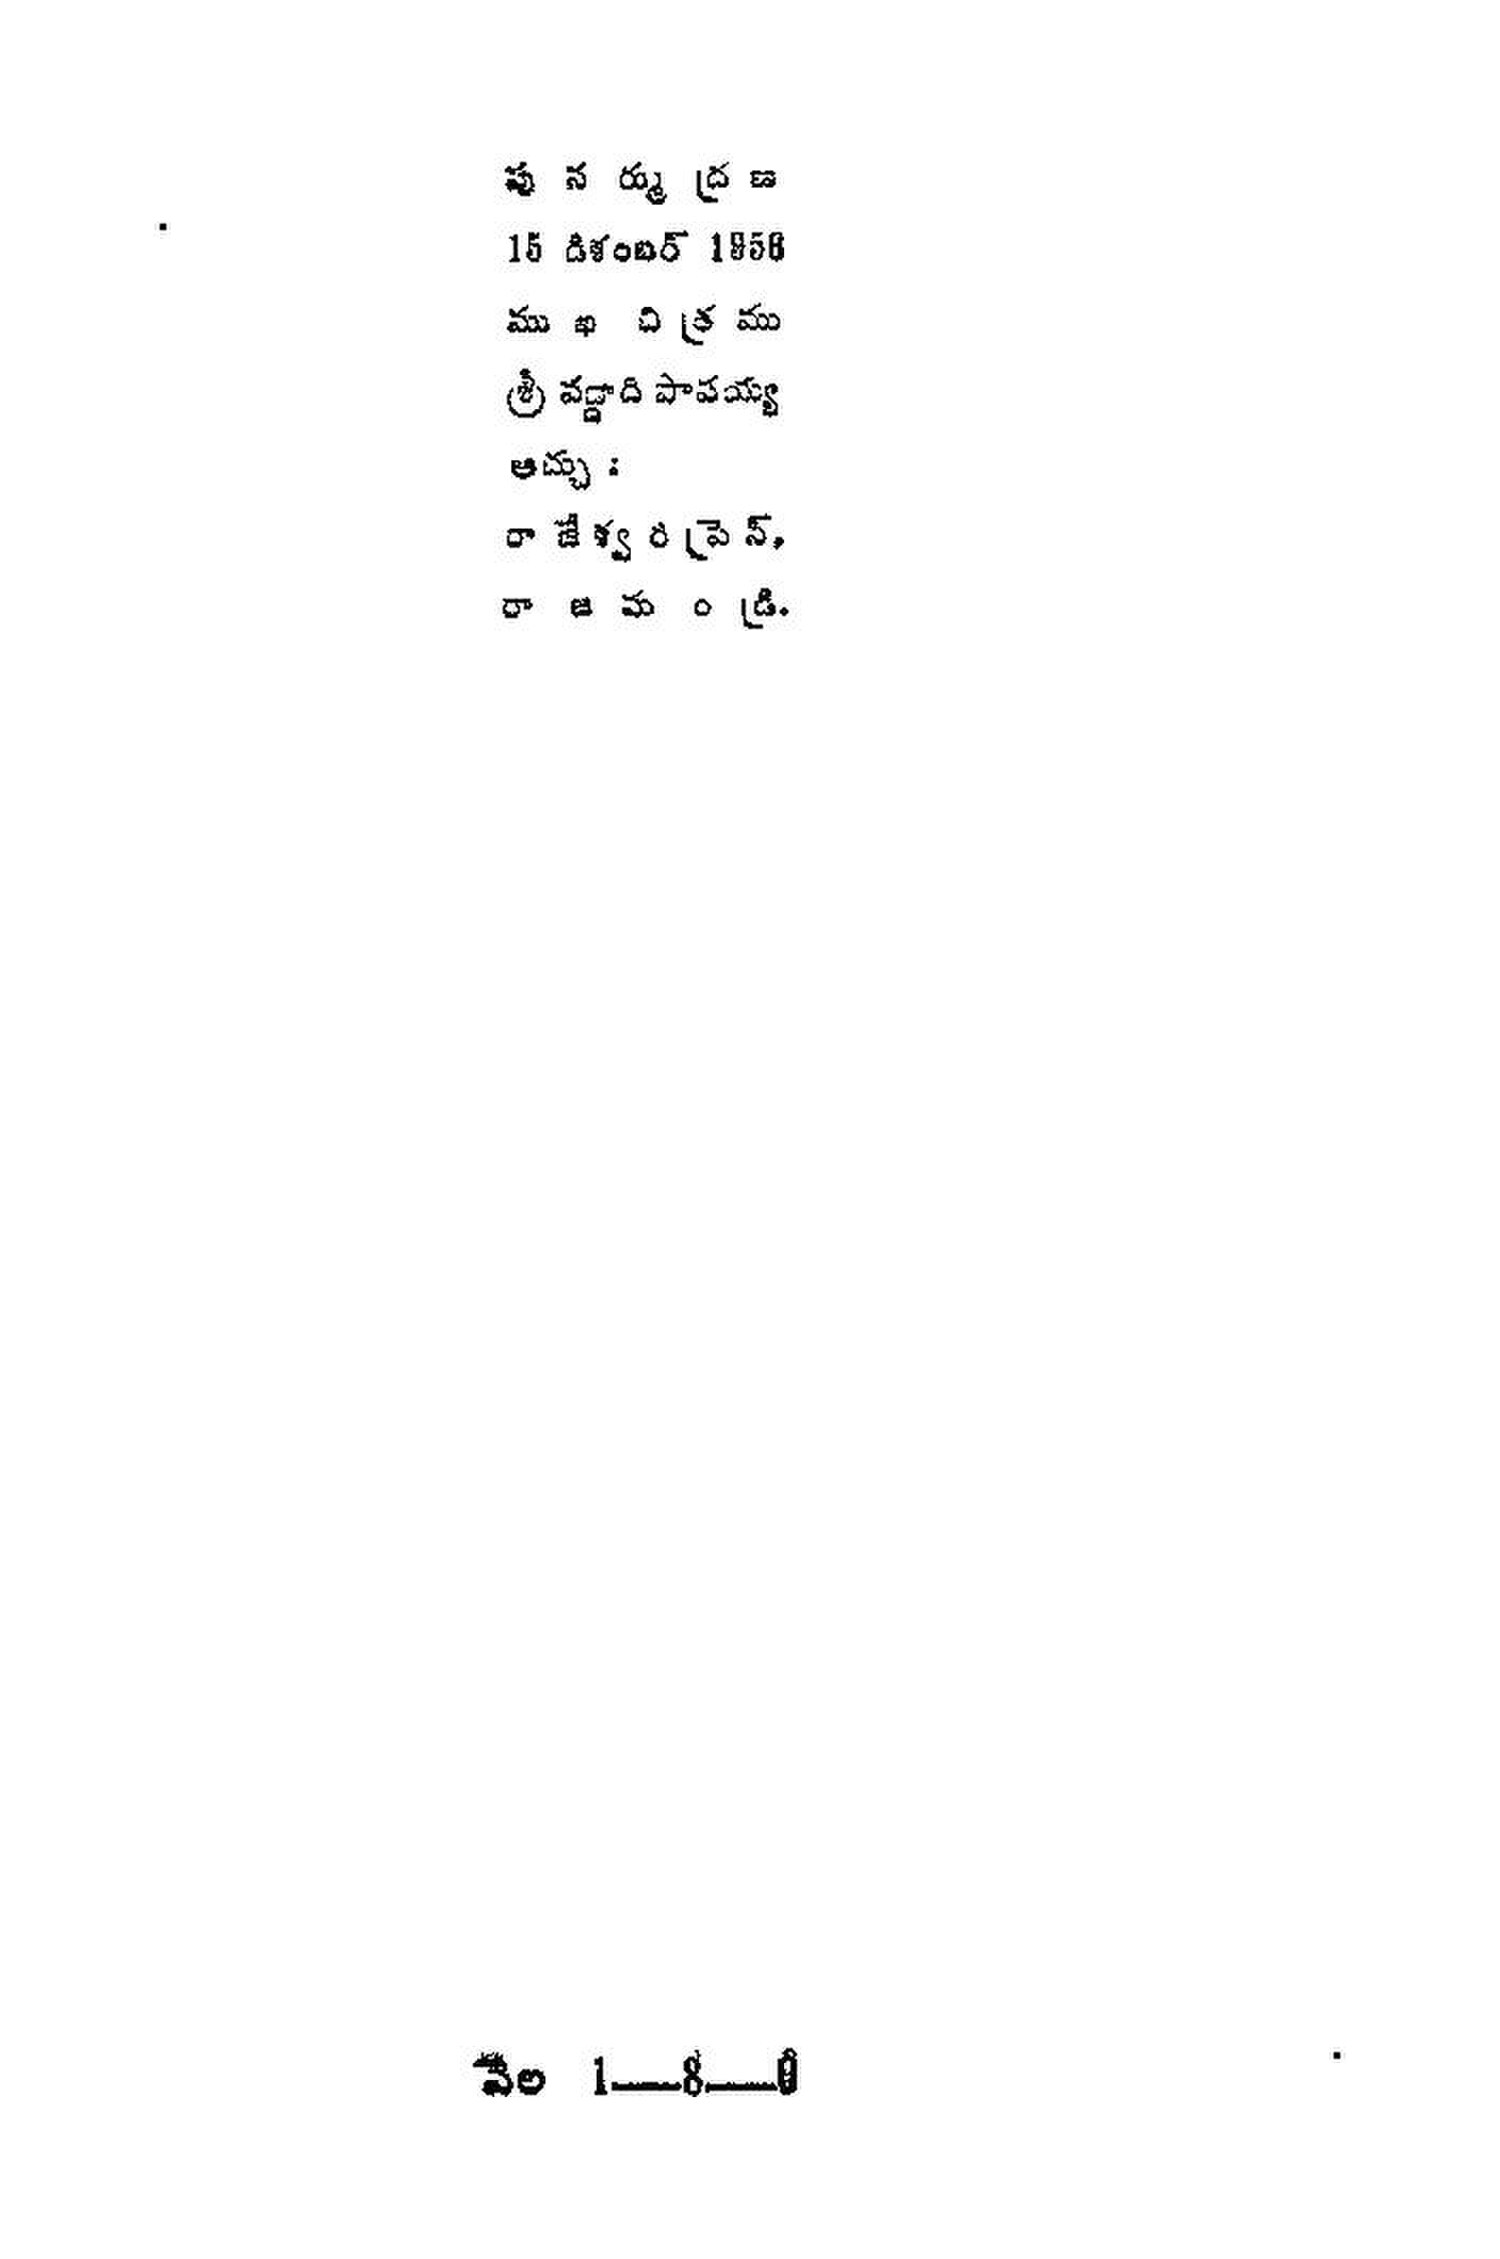పునర్ముద్రణ
15 డిశంబర్ 1956
ముఖ చిత్రము
శ్రీ వడ్డాది పాపయ్య
అచ్చుః
రాజేశ్వరి ప్రెస్,
రాజమండ్రి.

వెల 1 - 8 - 9